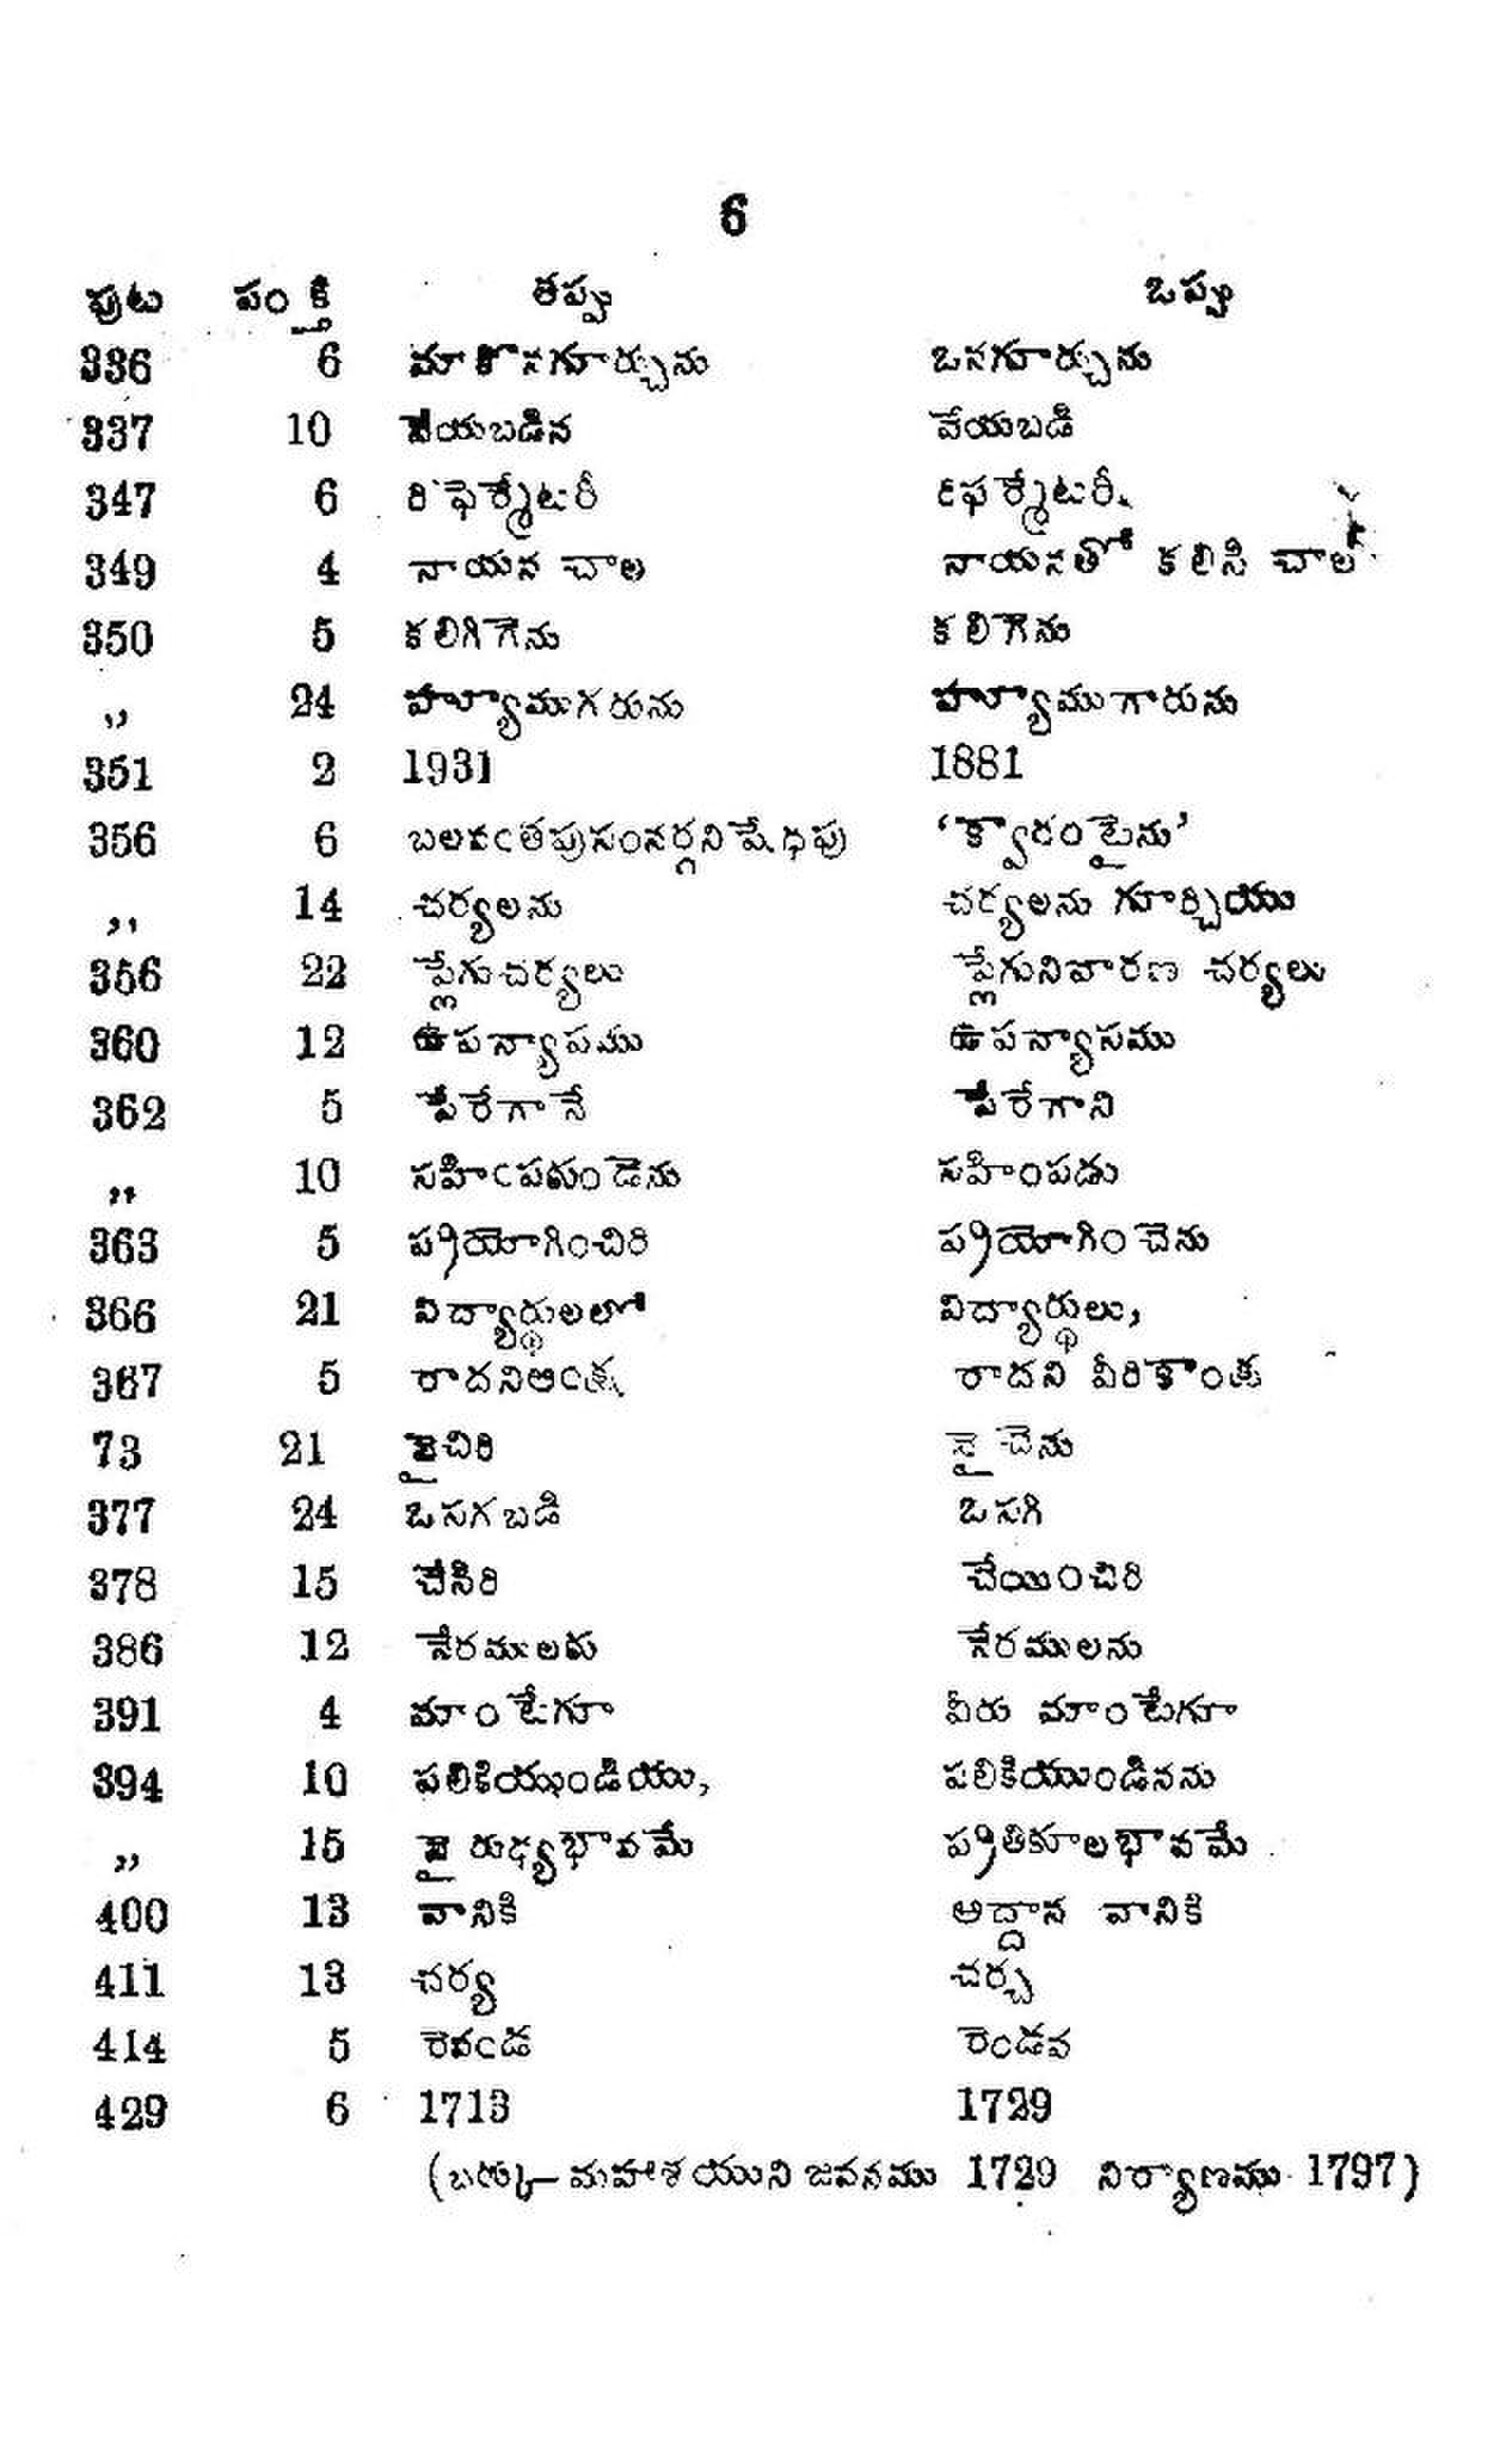పుట పంక్తి తప్పు ఒప్పు 336 6 మాకొనగూర్చును ఒనగూర్చును 337 10 వేయబడిన వేయబడి 347 6 రిఫెర్మేటరీ రిఫర్మేటరీ 349 4 నాయన చాల నాయనతో కలిసి చాల 350 5 కలిగిగెను కలిగెను 350 24 హ్యూముగరును హ్యూముగారును 351 2 1931 1881 356 6 బలవంతపుసంసర్గనిషేధపు 'క్వారంటైను' 356 14 చర్యలను చర్యలను గూర్చియు 356 22 ప్లేగుచర్యలు ప్లేగునివారణ చర్యలు 360 12 ఉపన్యాపము ఉపన్యాసము 362 5 పేరేగానే పేరేగాని 362 10 సహింపకుండెను సహింపడు 363 5 ప్రయోగించిరి ప్రయోగించెను 366 21 విద్యార్థులలో విద్యార్థులు, 367 5 రాదనిఆంక్ష రాదని వీరికాంక్ష 373 21 వైచిరి వైచెను 377 24 ఒసగబడి ఒసగి 378 15 చేసిరి చేయించిరి 386 12 నేరములకు నేరములను 391 4 మాంటేగూ వీరు మాంటేగూ 394 10 పలికియుండియు పలికియుండినను 394 15 వైరుధ్యభావమే ప్రతికూలభావమే 400 13 వానికి అద్దాన వానికి 411 13 చర్య చర్చ 414 5 రెవండ రెండవ 429 6 1713 1729

(బర్కుమహాశయుని జననము 1729 నిర్యాణము 1797)